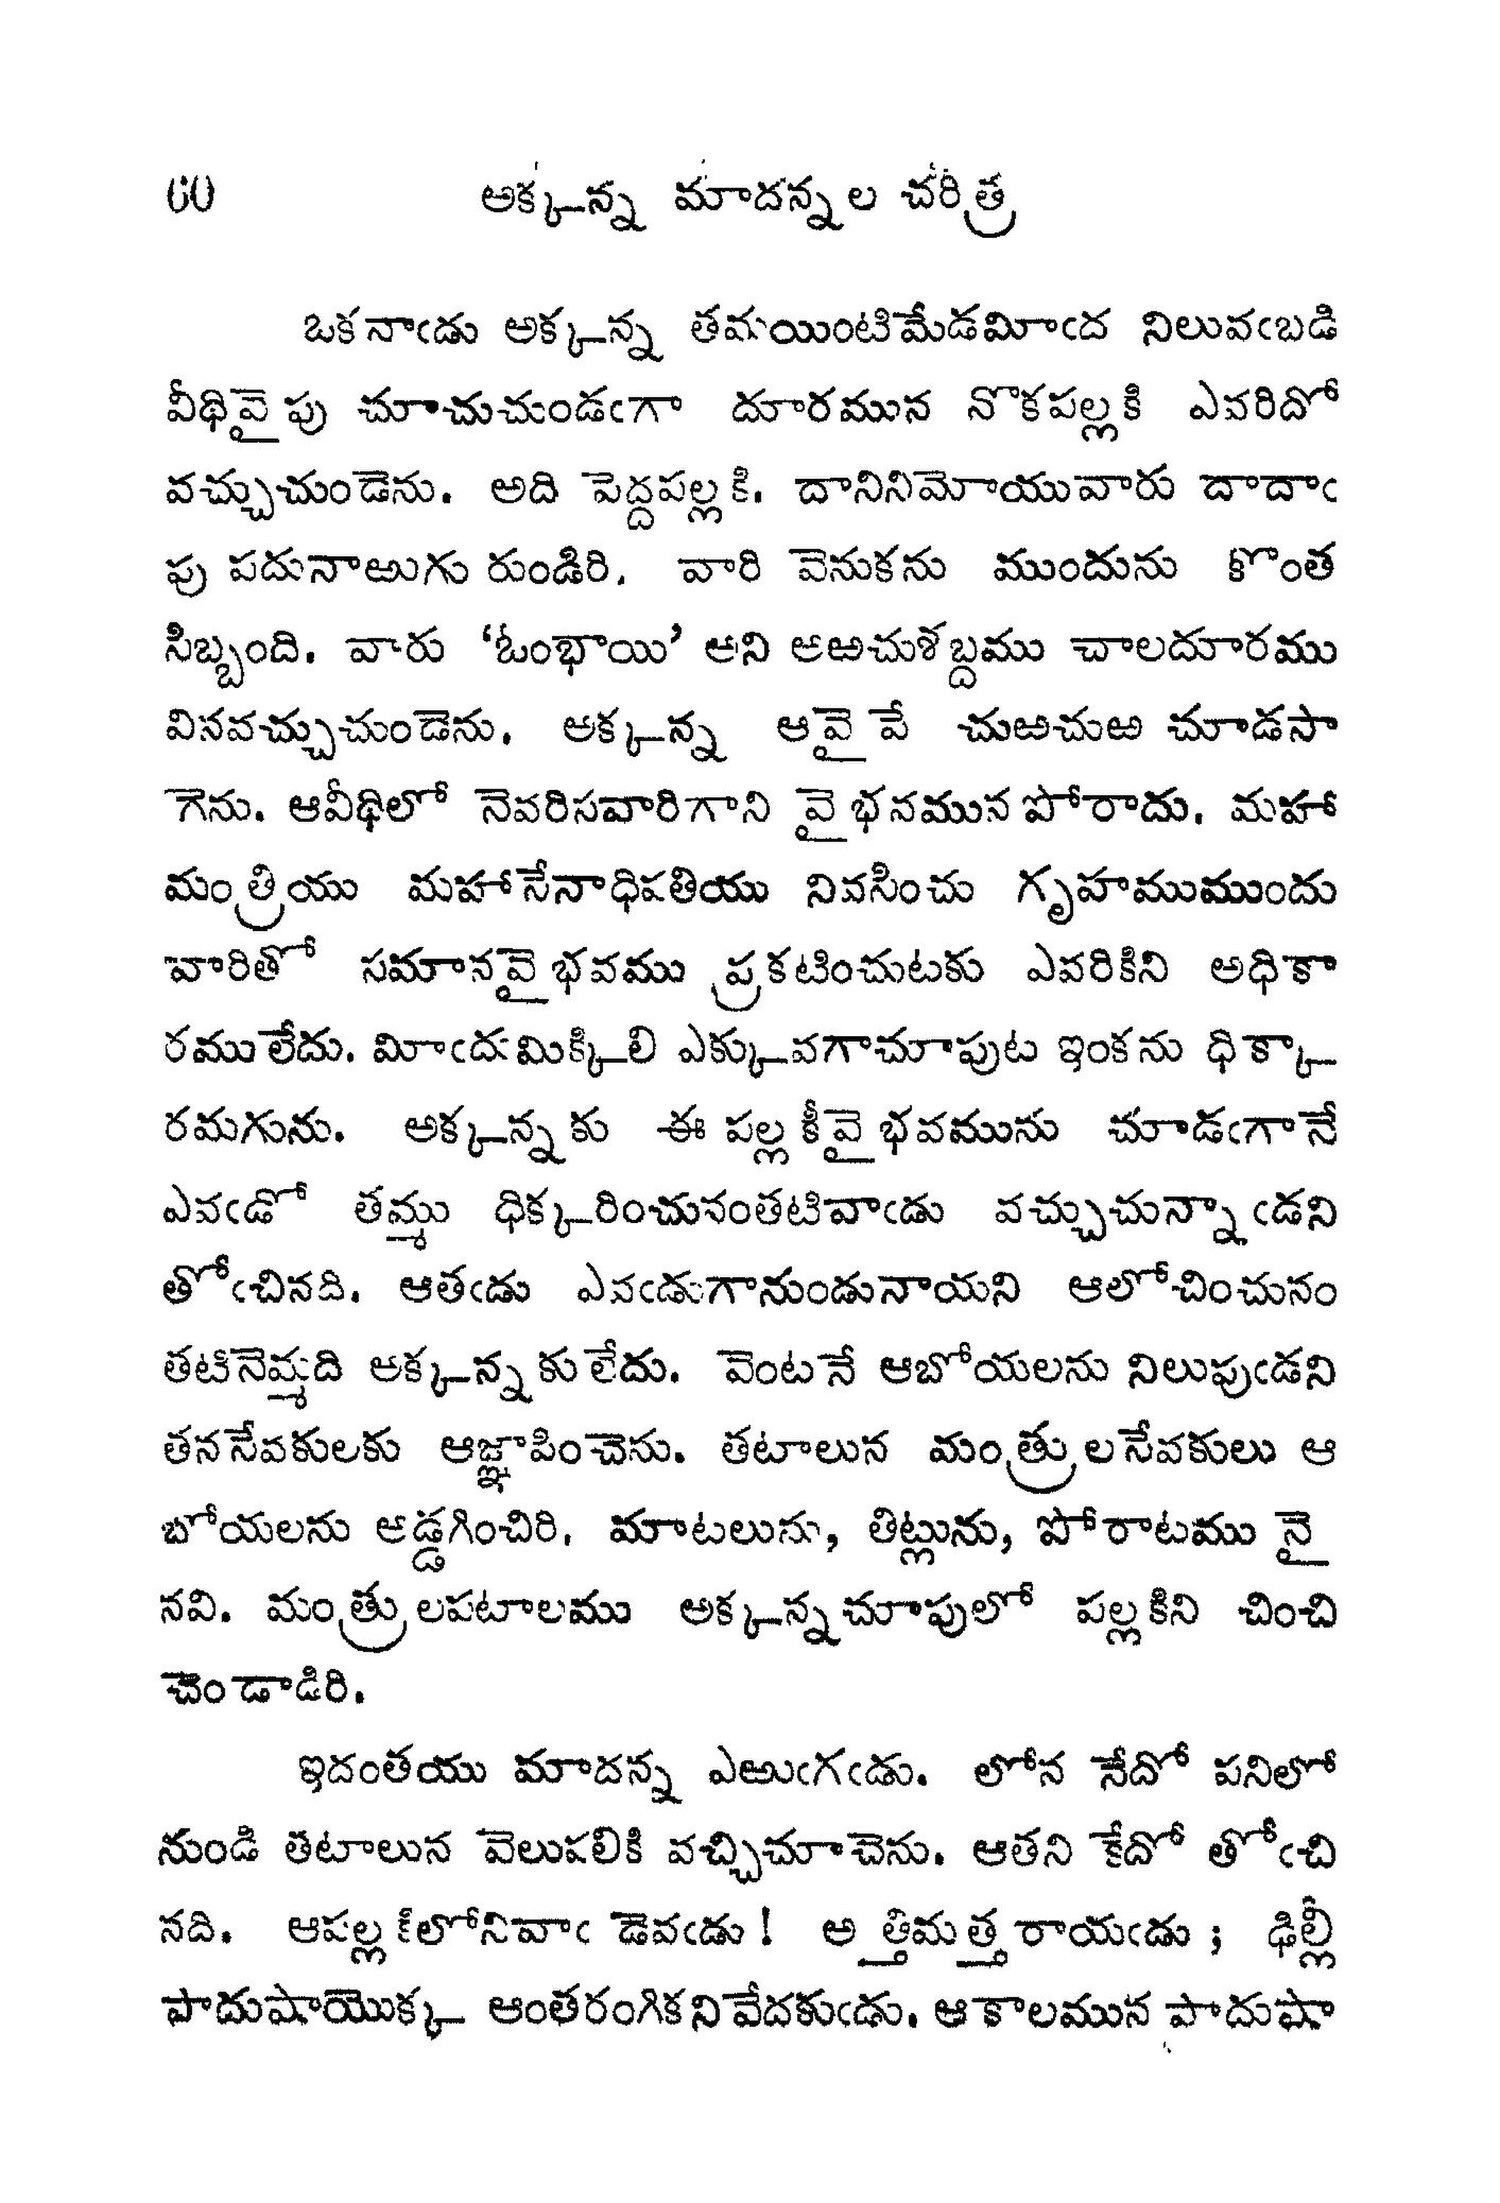ఒకనాఁడు అక్కన్న తమయింటిమేడమీఁద నిలువఁబడి వీథివైపు చూచుచుండఁగా దూరమున నొకపల్లకి ఎవరిదో వచ్చుచుండెను. అది పెద్దపల్లకి. దానినిమోయువారు దాదాఁపు పదునాఱుగు రుండిరి. వారి వెనుకను ముందును కొంత సిబ్బంది. వారు ‘ఓంభాయి’ అని అఱచుశబ్దము చాలదూరము వినవచ్చుచుండెను. అక్కన్న ఆవైపే చుఱచుఱ చూడసాగెను. ఆవీధిలో నెవరిసవారిగాని వైభవమున పోరాదు. మహామంత్రియు మహాసేనాధిపతియు నివసించు గృహముముందు వారితో సమానవైభవము ప్రకటించుటకు ఎవరికిని అధికారములేదు. మీఁదుమిక్కిలి ఎక్కువగాచూపుట ఇంకను ధిక్కారమగును. అక్కన్నకు ఈ పల్లకీవైభవమును చూడఁగానే ఎవఁడో తమ్ము ధిక్కరించునంతటివాఁడు వచ్చుచున్నాఁడని తోఁచినది. ఆతఁడు ఎవఁడుగానుండునాయని ఆలోచించునంతటినెమ్మది అక్కన్నకు లేదు. వెంటనే ఆబోయలను నిలుపుఁడని తనసేవకులకు ఆజ్ఞాపించెను. తటాలున మంత్రులసేవకులు ఆ బోయలను అడ్డగించిరి. మాటలును, తిట్లును, పోరాటము నైనవి. మంత్రులపటాలము అక్కన్నచూపులో పల్లకిని చించి చెండాడిరి.

ఇదంతయు మాదన్న ఎఱుఁగఁడు. లోన నేదో పనిలో నుండి తటాలున వెలుపలికి వచ్చిచూచెను. ఆతని కేదో తోఁచినది. ఆపల్లకీలోనివాఁ డెవఁడు! అత్తిమత్తరాయఁడు; ఢిల్లీ పాదుషాయొక్క ఆంతరంగికనివేదకుఁడు, ఆ కాలమున పాదుషా